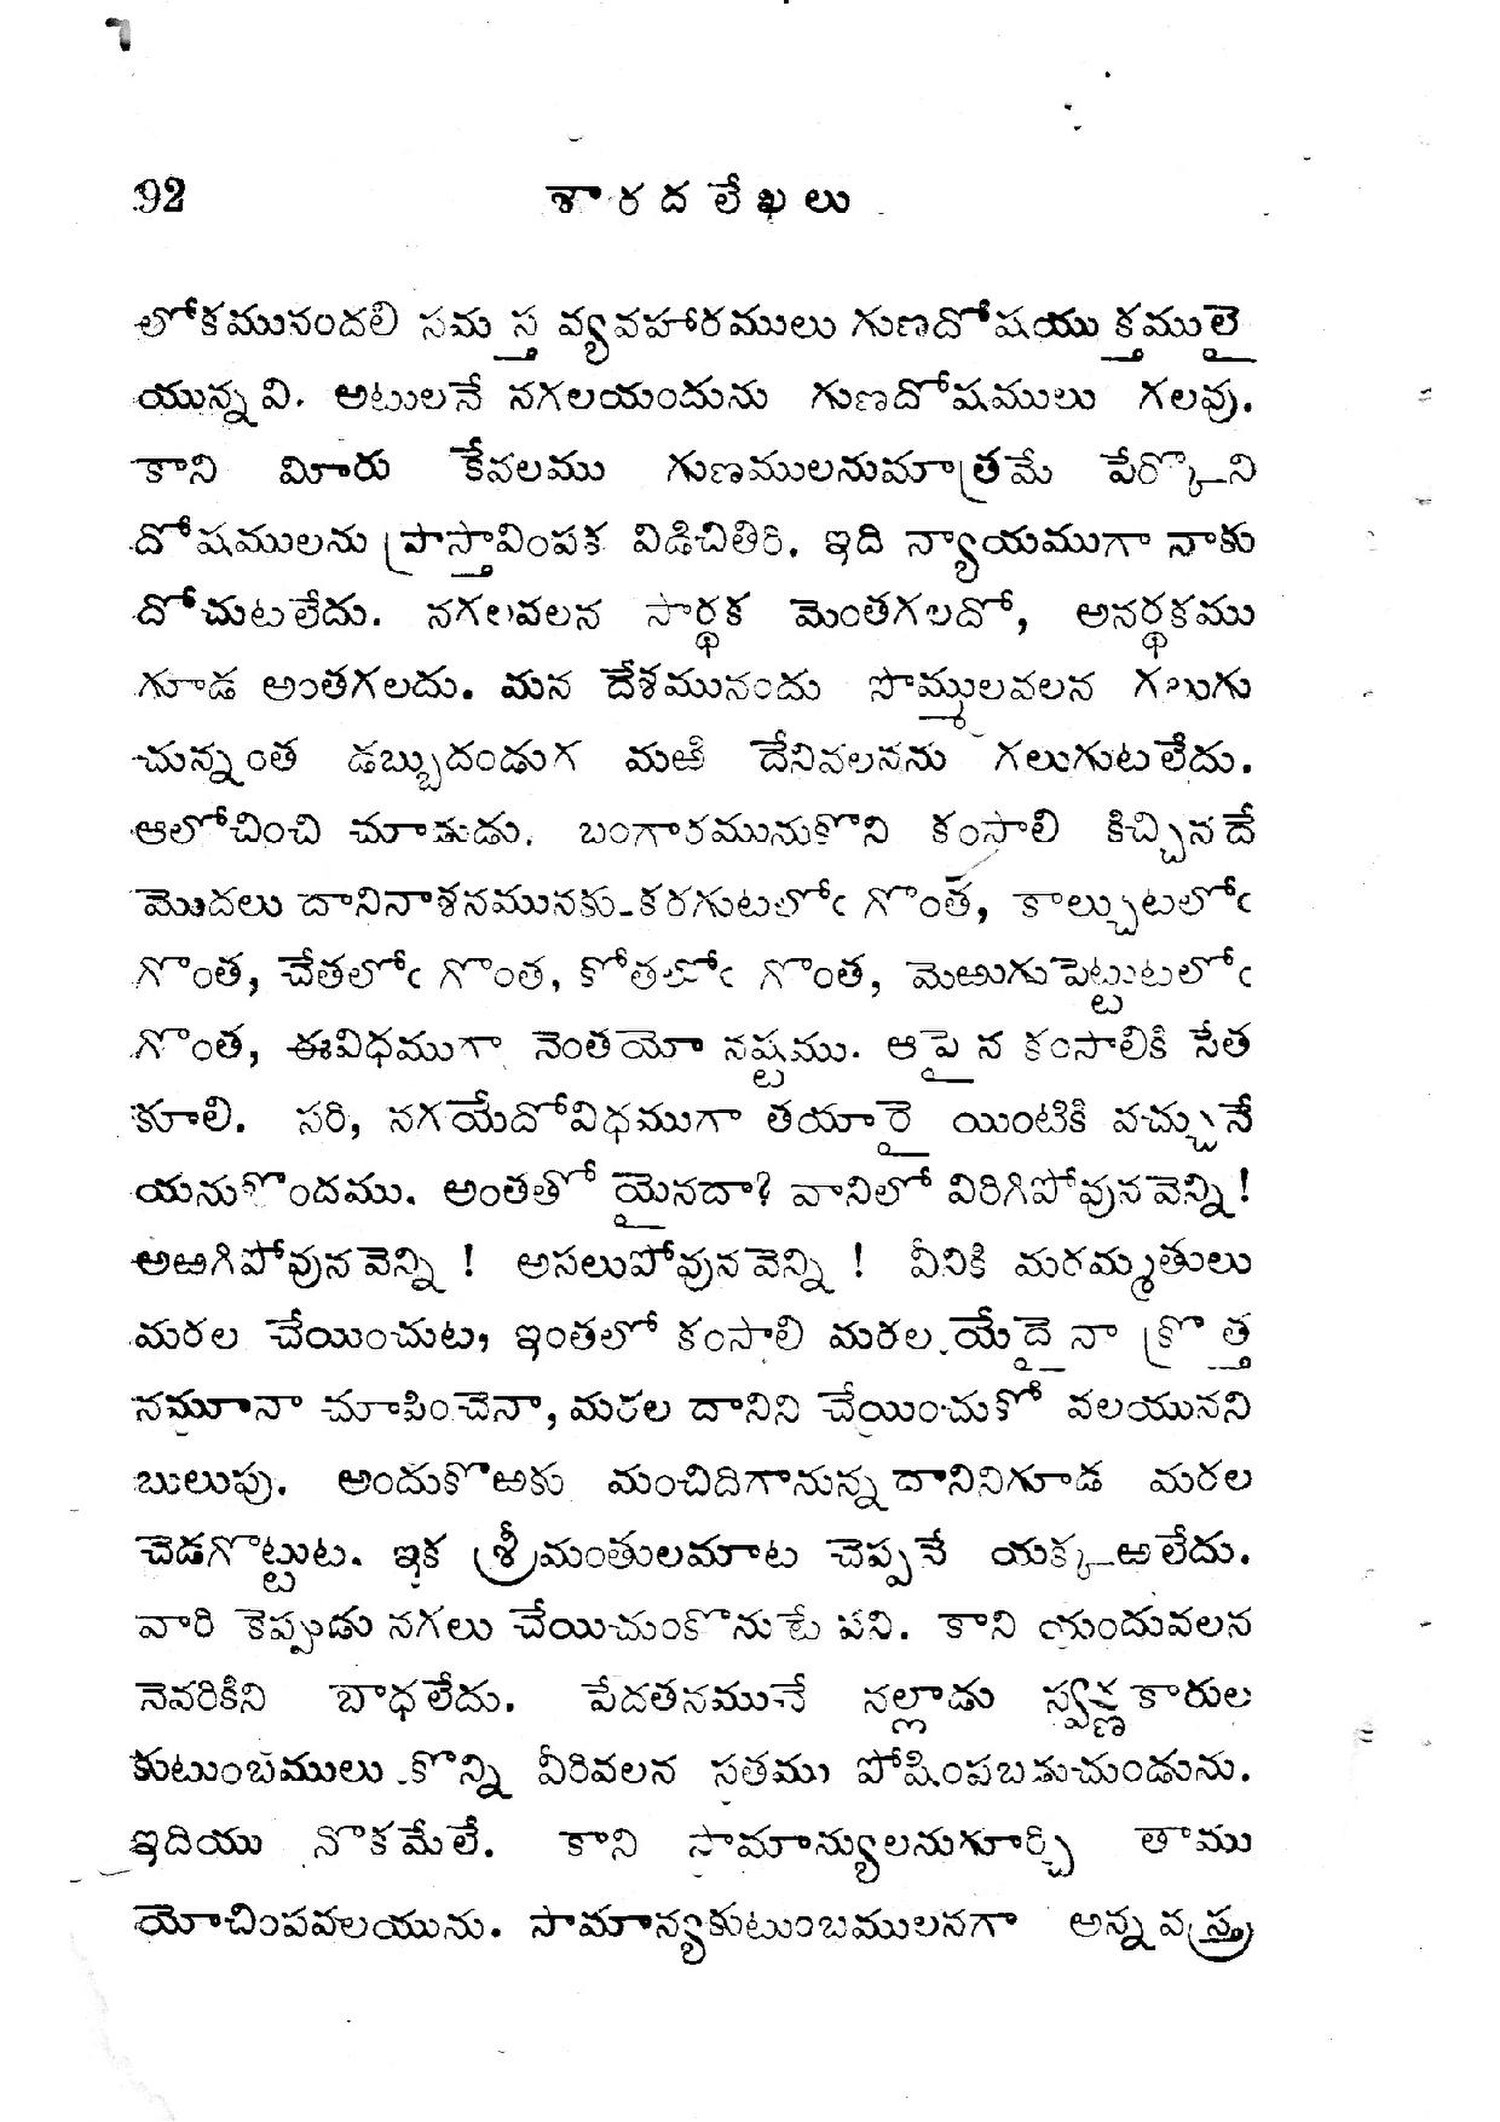లోకమునందలి సమస్త వ్యవహారములు గుణదోషయుక్తములై
యున్నవి. అటులనే నగలయందును గుణదోషములు గలవు.
కాని మీరు కేవలము గుణములనుమాత్రమే పేర్కొని
దోషములను ప్రాస్తావింపక విడిచితిరి. ఇది న్యాయముగా నాకు
దోచుటలేదు. నగలవలన సార్థక మెంతగలదో, అనర్థకము
గూడ అంతగలదు. మన దేశమునందు సొమ్ములవలన గలుగు
చున్నంత డబ్బుదండుగ మఱి దేనివలనను గలుగుటలేదు.
ఆలోచించి చూడుడు. బంగారమునుకొని కంసాలి కిచ్చినదే
మొదలు దానినాశనమునకు కరగుటలోఁ గొంత, కాల్చుటలోఁ
గొంత, చేతలోఁ గొంత, కోతలోఁ గొంత, మెఱుగు పెట్టుటలోఁ
గొంత, ఈవిధముగా నెంతయో నష్టము. ఆపైన కంసాలికి సేత
కూలి. సరి, నగయేదోవిధముగా తయారై యింటికి వచ్చునే
యననుకొందము.అంతతో యైనదా?వానిలోవిరిగిపోవునవెన్ని!
అఱగిపోవున వెన్ని ! అసలుపోవున వెన్ని ! వీనికి మరమ్మతులు
మరల చేయించుట, ఇంతలో కంసాలి మరల యేదైనా క్రొత్త
నమూనా చూపించెనా, మరల దానిని చేయించుకో వలయునని
బులుపు. అందుకొఱకు మంచిదిగానున్న దానినిగూడ మరల
చెడగొట్టుట. ఇక శ్రీమంతులమాట చెప్పకే యక్కఱలేదు.
వారి కెప్పుడు నగలు చేయిచుంకొనుటే పని. కాని యందువలన
నెవరికిని బాధ లేదు. పేదతనముచే నల్లాడు స్వర్ణకారుల
కుటుంబములు కొన్ని వీరివలన సతము పోషింపబడుచుండును.
ఇదియు నొకమేలే. కాని సామాన్యులనుగూర్చి తాము
యోచింపవలయును. సామాన్య కుటుంబములనగా అన్నవస్త్ర